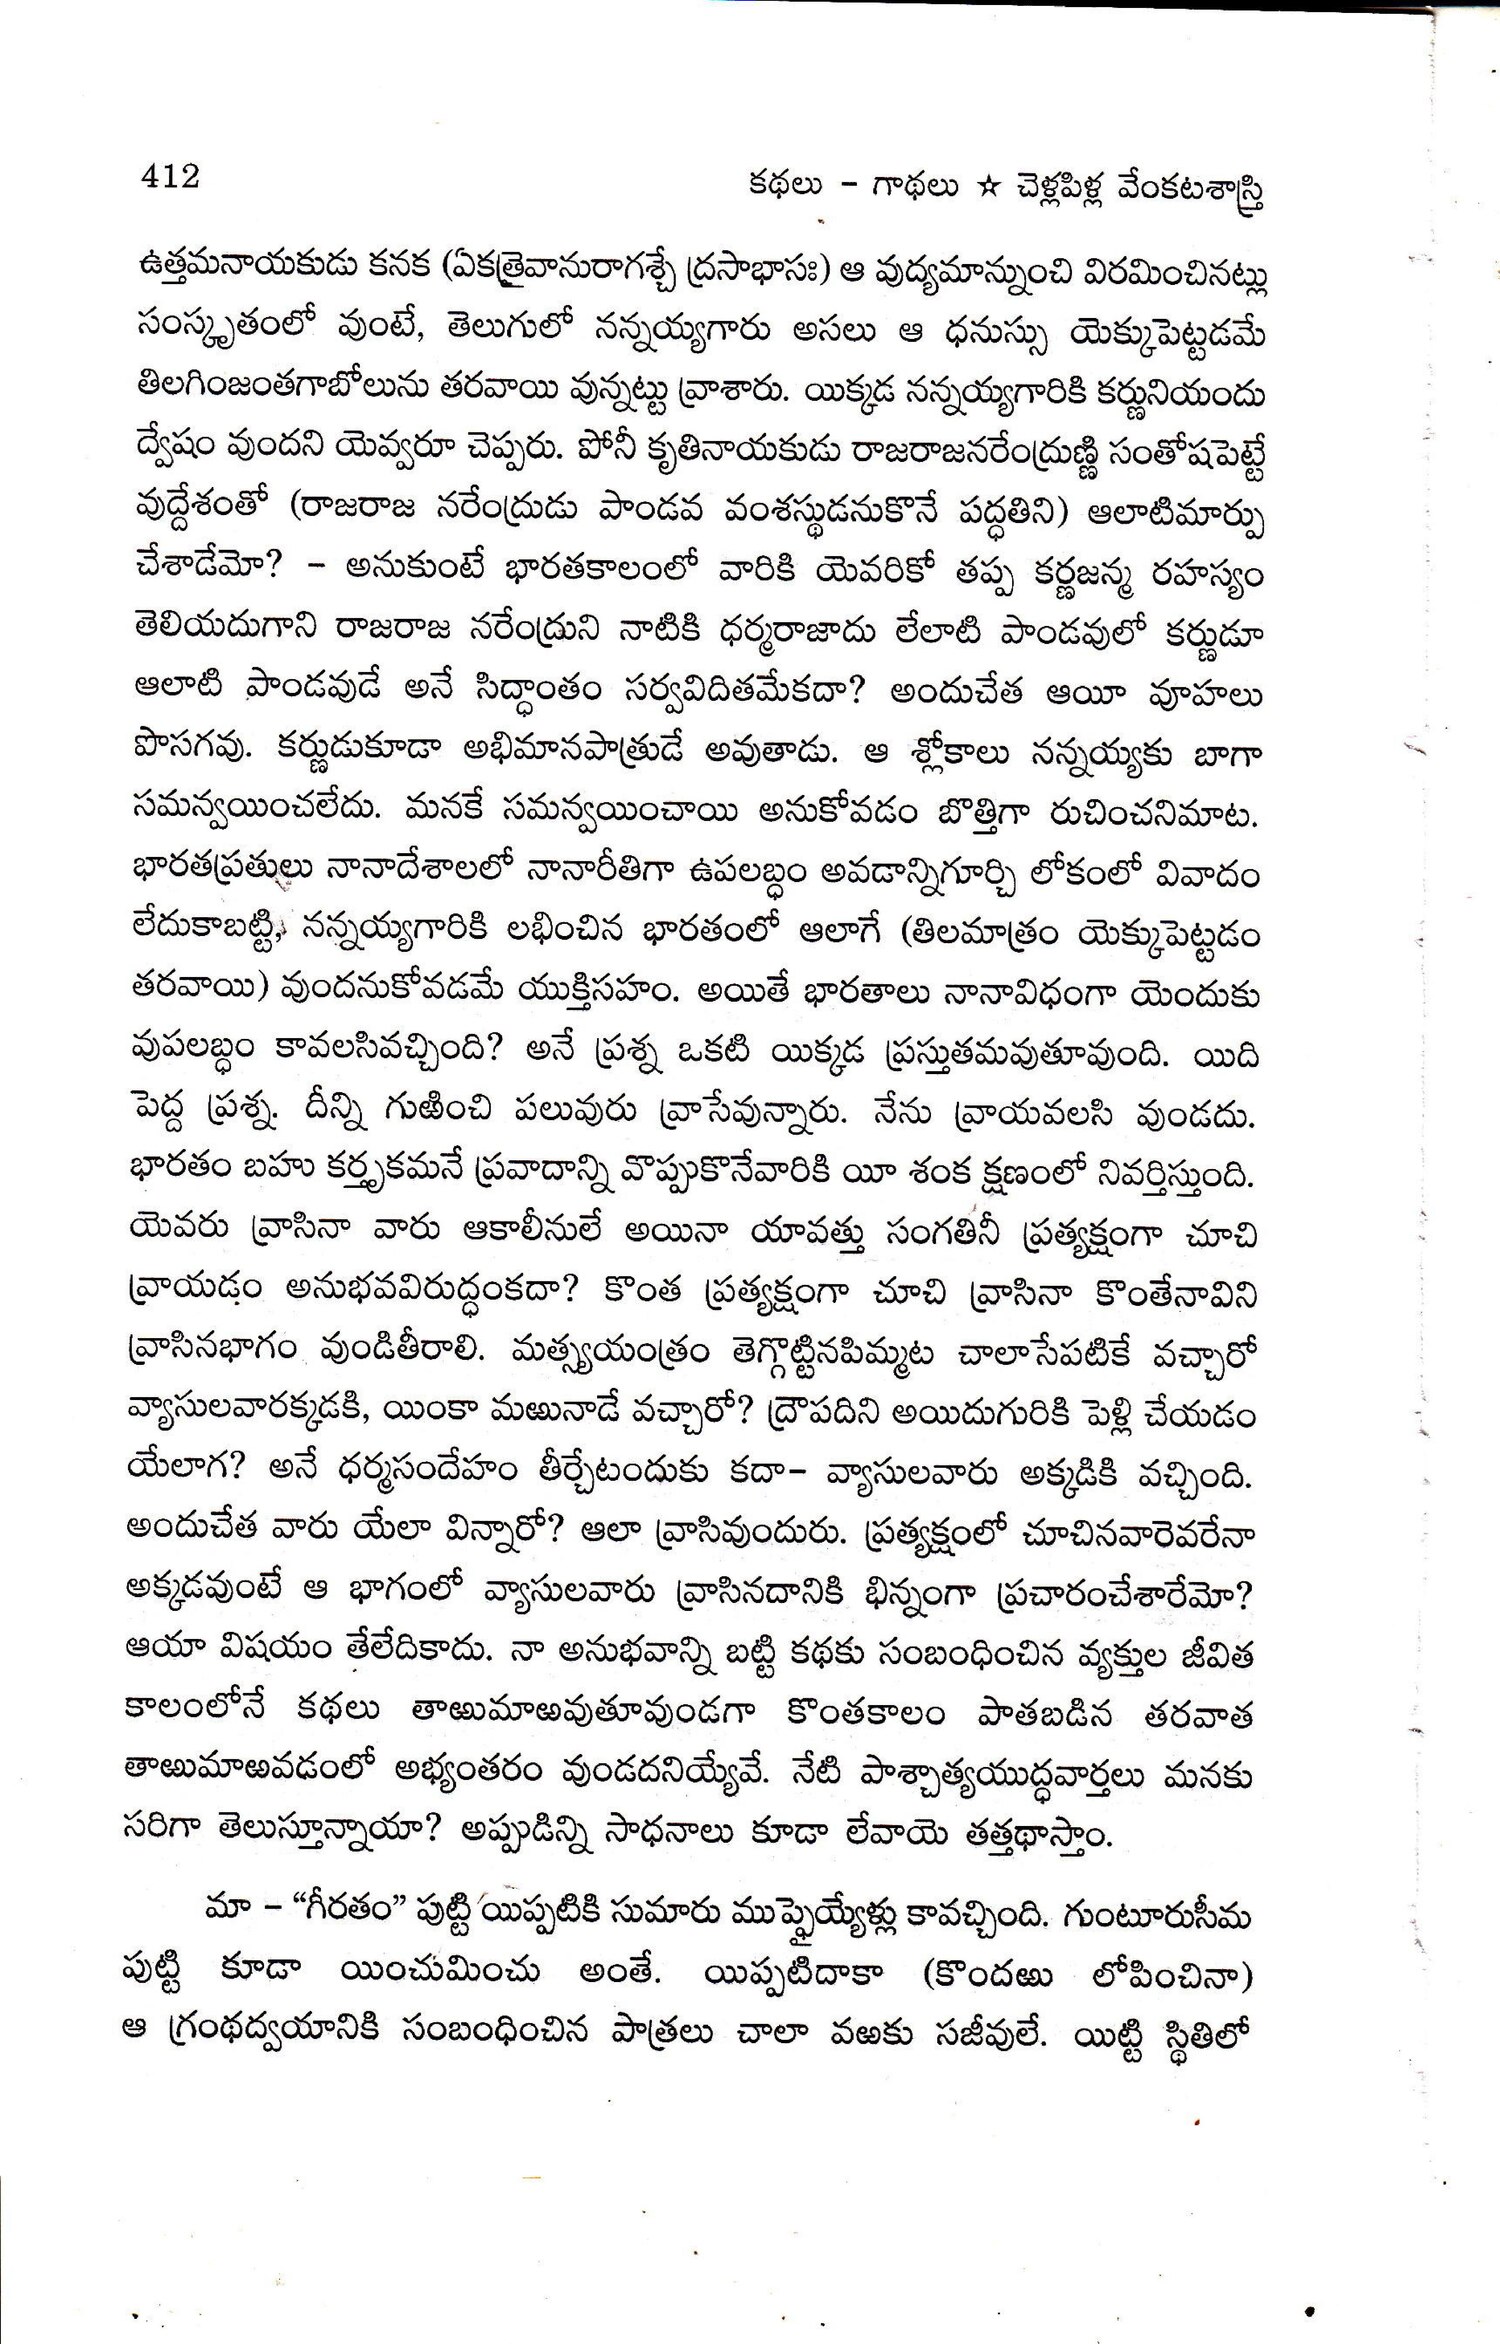ఉత్తమనాయకుడు కనక (ఏకతైవానురాగశ్చే ద్రసాభాసః) ఆ వుద్యమాన్నుంచి విరమించినట్లు సంస్కృతంలో వుంటే, తెలుగులో నన్నయ్యగారు అసలు ఆ ధనుస్సు యెక్కుపెట్టడమే తిలగింజంతగాబోలును తరవాయి వున్నట్టు వ్రాశారు. యిక్కడ నన్నయ్యగారికి కర్ణునియందు ద్వేషం వుందని యెవ్వరూ చెప్పరు. ఫోనీ కృతినాయకుడు రాజరాజనరేంద్రుణ్ణి సంతోషపెట్టే వుద్దేశంతో (రాజరాజ నరేంద్రుడు పాండవ వంశస్థుడనుకొనే పద్ధతిని) ఆలాటిమార్పు చేశాడేమో? - అనుకుంటే భారతకాలంలో వారికి యెవరికో తప్ప కర్ణజన్మ రహస్యం తెలియదుగాని రాజరాజ నరేంద్రుని నాటికి ధర్మరాజాదు లేలాటి పాండవులో కర్ణుడూ ఆలాటి పాండవుడే అనే సిద్ధాంతం సర్వవిదితమేకదా? అందుచేత ఆయీ వూహలు పొసగవు. కర్ణుడుకూడా అభిమానపాత్రుడే అవుతాడు. ఆ శ్లోకాలు నన్నయ్యకు బాగా సమన్వయించలేదు. మనకే సమన్వయించాయి అనుకోవడం బొత్తిగా రుచించనిమాట. భారతప్రతులు నానాదేశాలలో నానారీతిగా ఉపలబ్ధం అవడాన్నిగూర్చి లోకంలో వివాదం లేదుకాబట్టి, నన్నయ్యగారికి లభించిన భారతంలో ఆలాగే (తిలమాత్రం యొక్కుపెట్టడం తరవాయి) వుందనుకోవడమే యుక్తిసహం. అయితే భారతాలు నానావిధంగా యెందుకు వుపలబ్ధం కావలసివచ్చింది? అనే ప్రశ్న ఒకటి యిక్కడ ప్రస్తుతమవుతూవుంది. యిది పెద్ద ప్రశ్న దీన్ని గుఱించి పలువురు వ్రాసేవున్నారు. నేను వ్రాయవలసి వుండదు. భారతం బహు కర్తృకమనే ప్రవాదాన్ని వొప్పకొనేవారికి యీ శంక క్షణంలో నివర్తిస్తుంది. యెవరు వ్రాసినా వారు ఆకాలీనులే అయినా యావత్తు సంగతినీ ప్రత్యక్షంగా చూచి వ్రాయడం అనుభవవిరుద్ధంకదా? కొంత ప్రత్యక్షంగా చూచి వ్రాసినా కొంతేనావిని వ్రాసినభాగం వుండితీరాలి. మత్స్యయంత్రం తెగొట్టినపిమ్మట చాలాసేపటికే వచ్చారో వ్యాసులవారక్కడకి, యింకా మఱునాడే వచ్చారో? ద్రౌపదిని అయిదుగురికి పెళ్లి చేయడం యేలాగ? అనే ధర్మసందేహం తీర్చేటందుకు కదా- వ్యాసులవారు అక్కడికి వచ్చింది. అందుచేత వారు యేలా విన్నారో? ఆలా వ్రాసివుందురు. ప్రత్యక్షంలో చూచినవారెవరేనా అక్కడవుంటే ఆ భాగంలో వ్యాసులవారు వ్రాసినదానికి భిన్నంగా ప్రచారంచేశారేమో? ఆయా విషయం తేలేదికాదు. నా అనుభవాన్ని బట్టి కథకు సంబంధించిన వ్యక్తుల జీవిత కాలంలోనే కథలు తాఱుమాఱవుతూవుండగా కొంతకాలం పాతబడిన తరవాత తాఱుమాఱవడంలో అభ్యంతరం వుండదనియ్యేవే. నేటి పాశ్చాత్యయుద్ధవార్తలు మనకు సరిగా తెలుస్తూన్నాయా? అప్పుడిన్ని సాధనాలు కూడా లేవాయె తత్తథాస్తాం.

మా - "గీరతం" పుట్టి యిప్పటికి సుమారు ముప్పైయ్యేళ్లు కావచ్చింది. గుంటూరుసీమ పుట్టి కూడా యించుమించు అంతే. యిప్పటిదాకా (కొందఱు లోపించినా) ఆ గ్రంథద్వయానికి సంబంధించిన పాత్రలు చాలా వఱకు సజీవులే. యిట్టి స్థితిలో